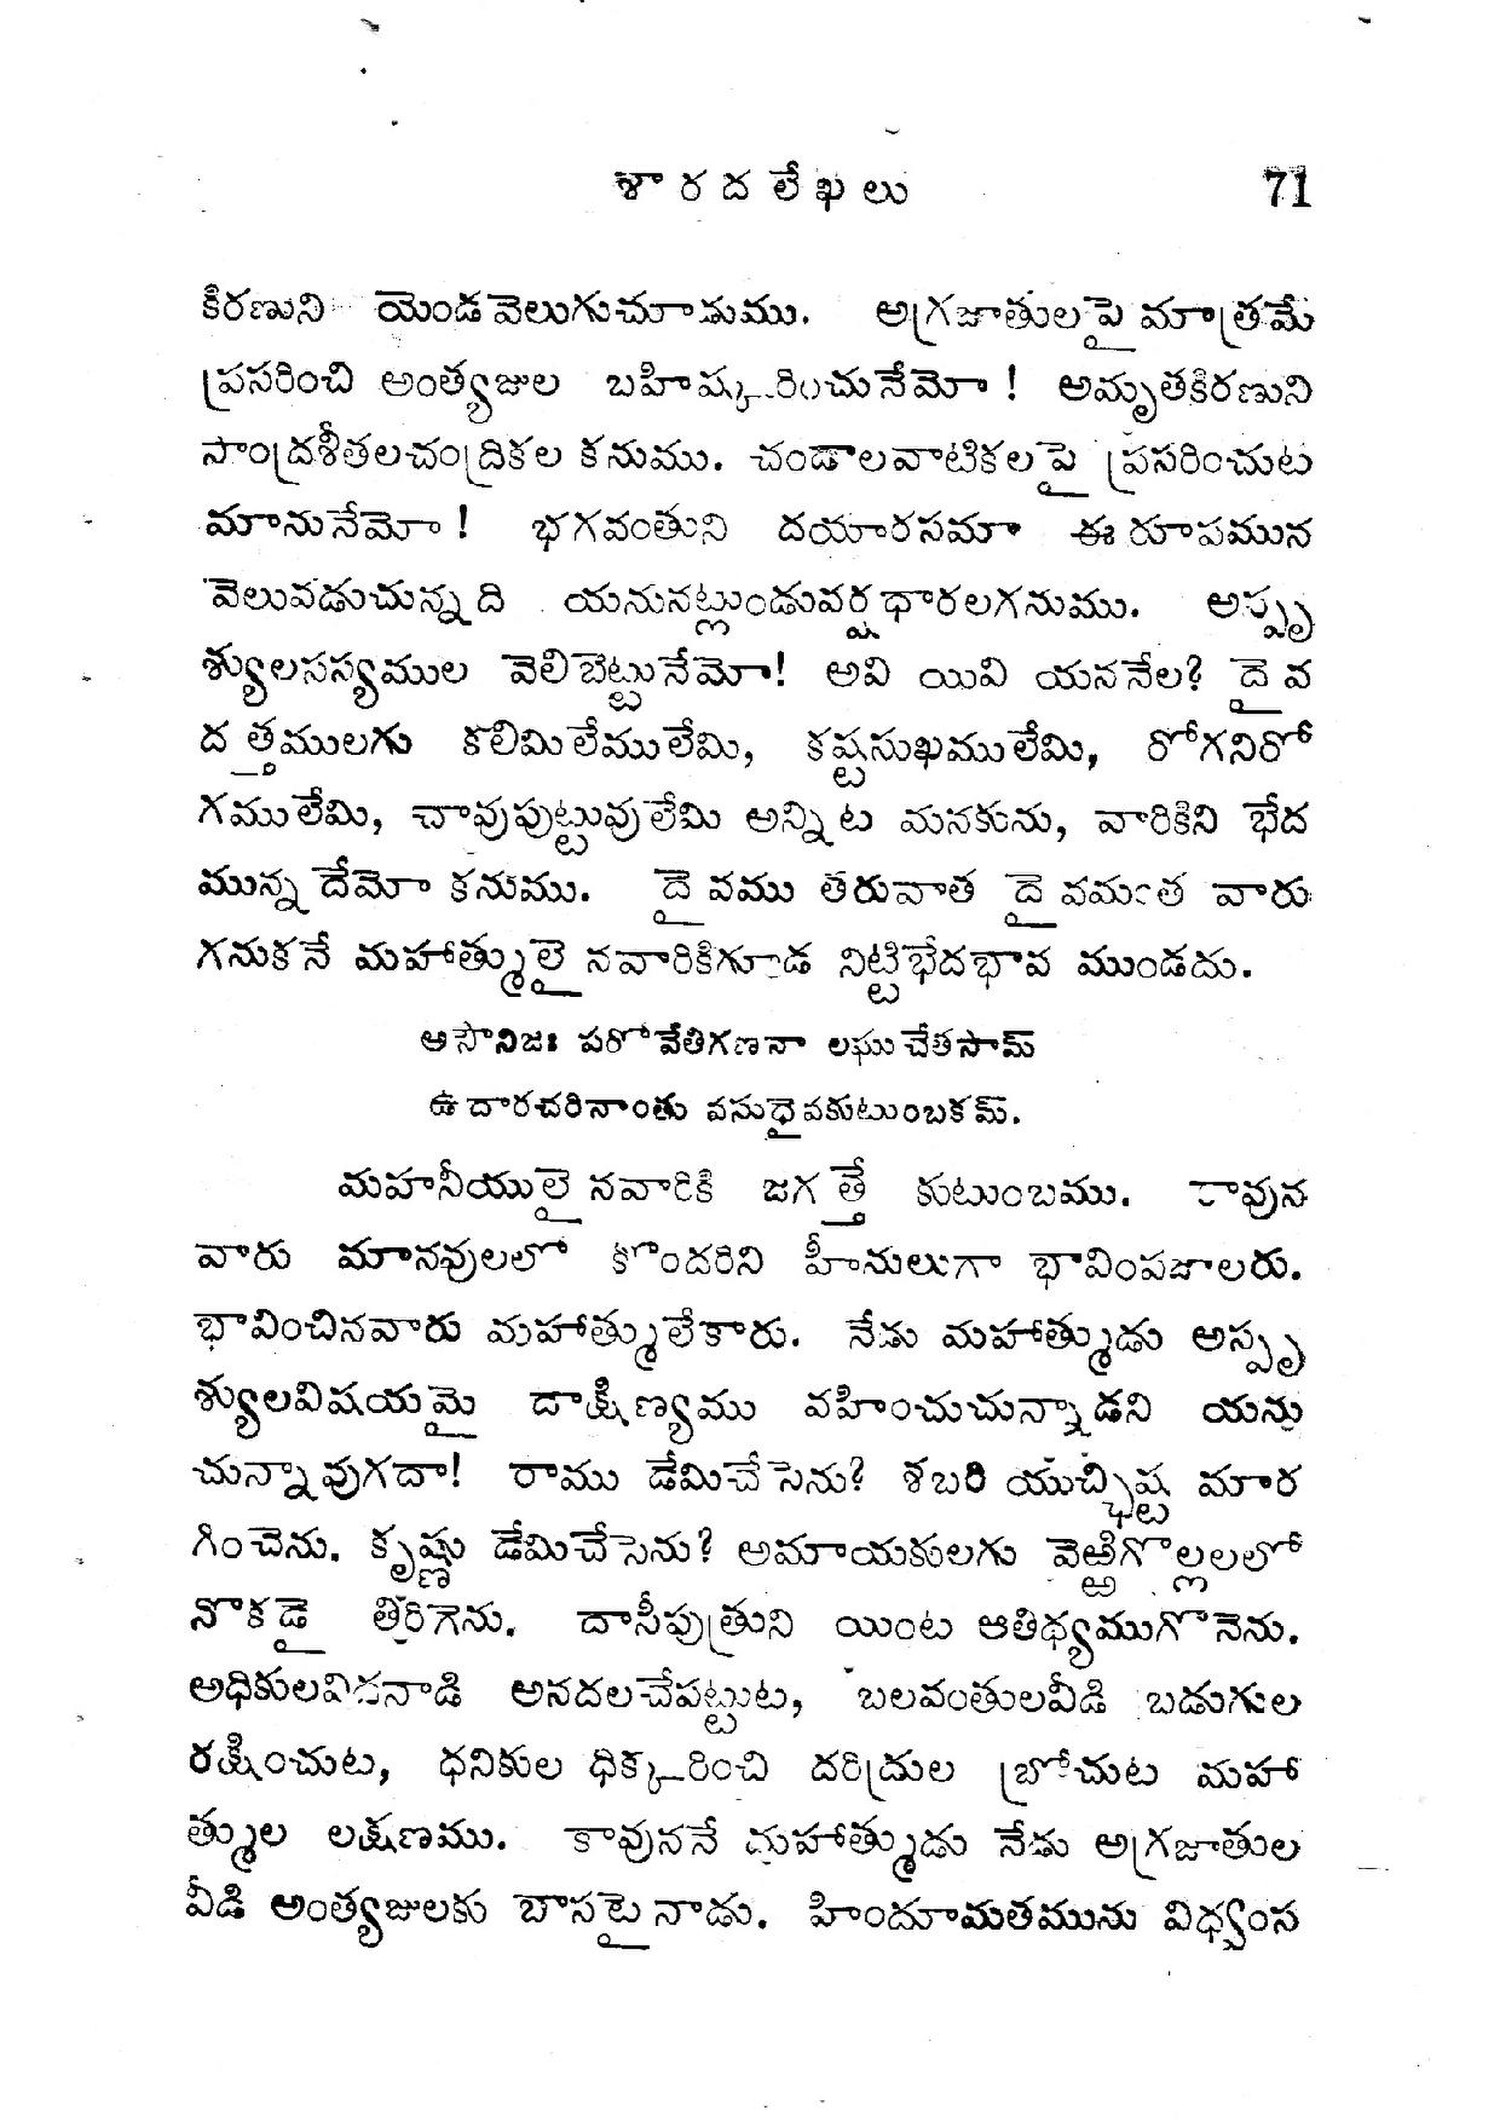కిరణుని యెండ వెలుగుచూడుము. అగ్రజాతుల పై మాత్రమే
ప్రసరించి అంత్యజుల బహిష్కరించునేమో ! అమృతకిరణుని
సాంద్రశీతలచంద్రికల కనుము. చండాల వాటికలపై ప్రసరించుట
మానునేమో! భగవంతుని దయారసమా ఈ రూపమున
వెలువడుచున్నది యనునట్లుండువర్షధారలగనుము. అస్పృ
శ్యులసస్యముల వెలిబెట్టునేమో! అవి యివి యననేల? దైవ
దత్తములగు కలిమి లేములేమి, కష్టసుఖములేమి, రోగనిరో
గములేమి, చావుపుట్టువులేమి అన్నిట మనకును, వారికిని భేద
మున్న దేమో కనుము. దైవము తరువాత దైవమంత వారు
గనుకనే మహాత్ములై నవారికిగూడ నిట్టిభేద భావ ముండదు.

అసౌనిజః పరోవేతిగణనా లఘు చేతసామ్

ఉదారచరినాంతు వసుధైవకుటుంబకమ్

మహనీయులైనవారికి జగత్తే కుటుంబము. కావున
వారు మానవులలో కొందరిని హీనులుగా భావింపజాలరు.
భావించినవారు మహాత్ములేకారు. నేడు మహాత్ముడు అస్పృ
శ్యులవిషయమై దాక్షిణ్యము వహించుచున్నాడని యను
చున్నావుగదా! రాము డేమిచేసెను? శబరి యుచ్ఛిష్ట మార
గించెను. కృష్ణు డేమిచేసెను? అమాయకులగు వెఱ్ఱిగొల్లలలో
నొకడై తిరిగెను. దాసీపుత్రుని యింట ఆతిథ్యముగొనెను.
అధికులవిడనాడి అనదల చేపట్టుట, బలవంతులవీడి బడుగుల
రక్షించుట, ధనికుల ధిక్కరించి దరిద్రుల బ్రోచుట మహా
త్ముల లక్షణము. కావుననే మహాత్ముడు నేడు అగ్రజాతుల
వీడి అంత్యజులకు బాసటైనాడు. హిందూమతమును విధ్వంస